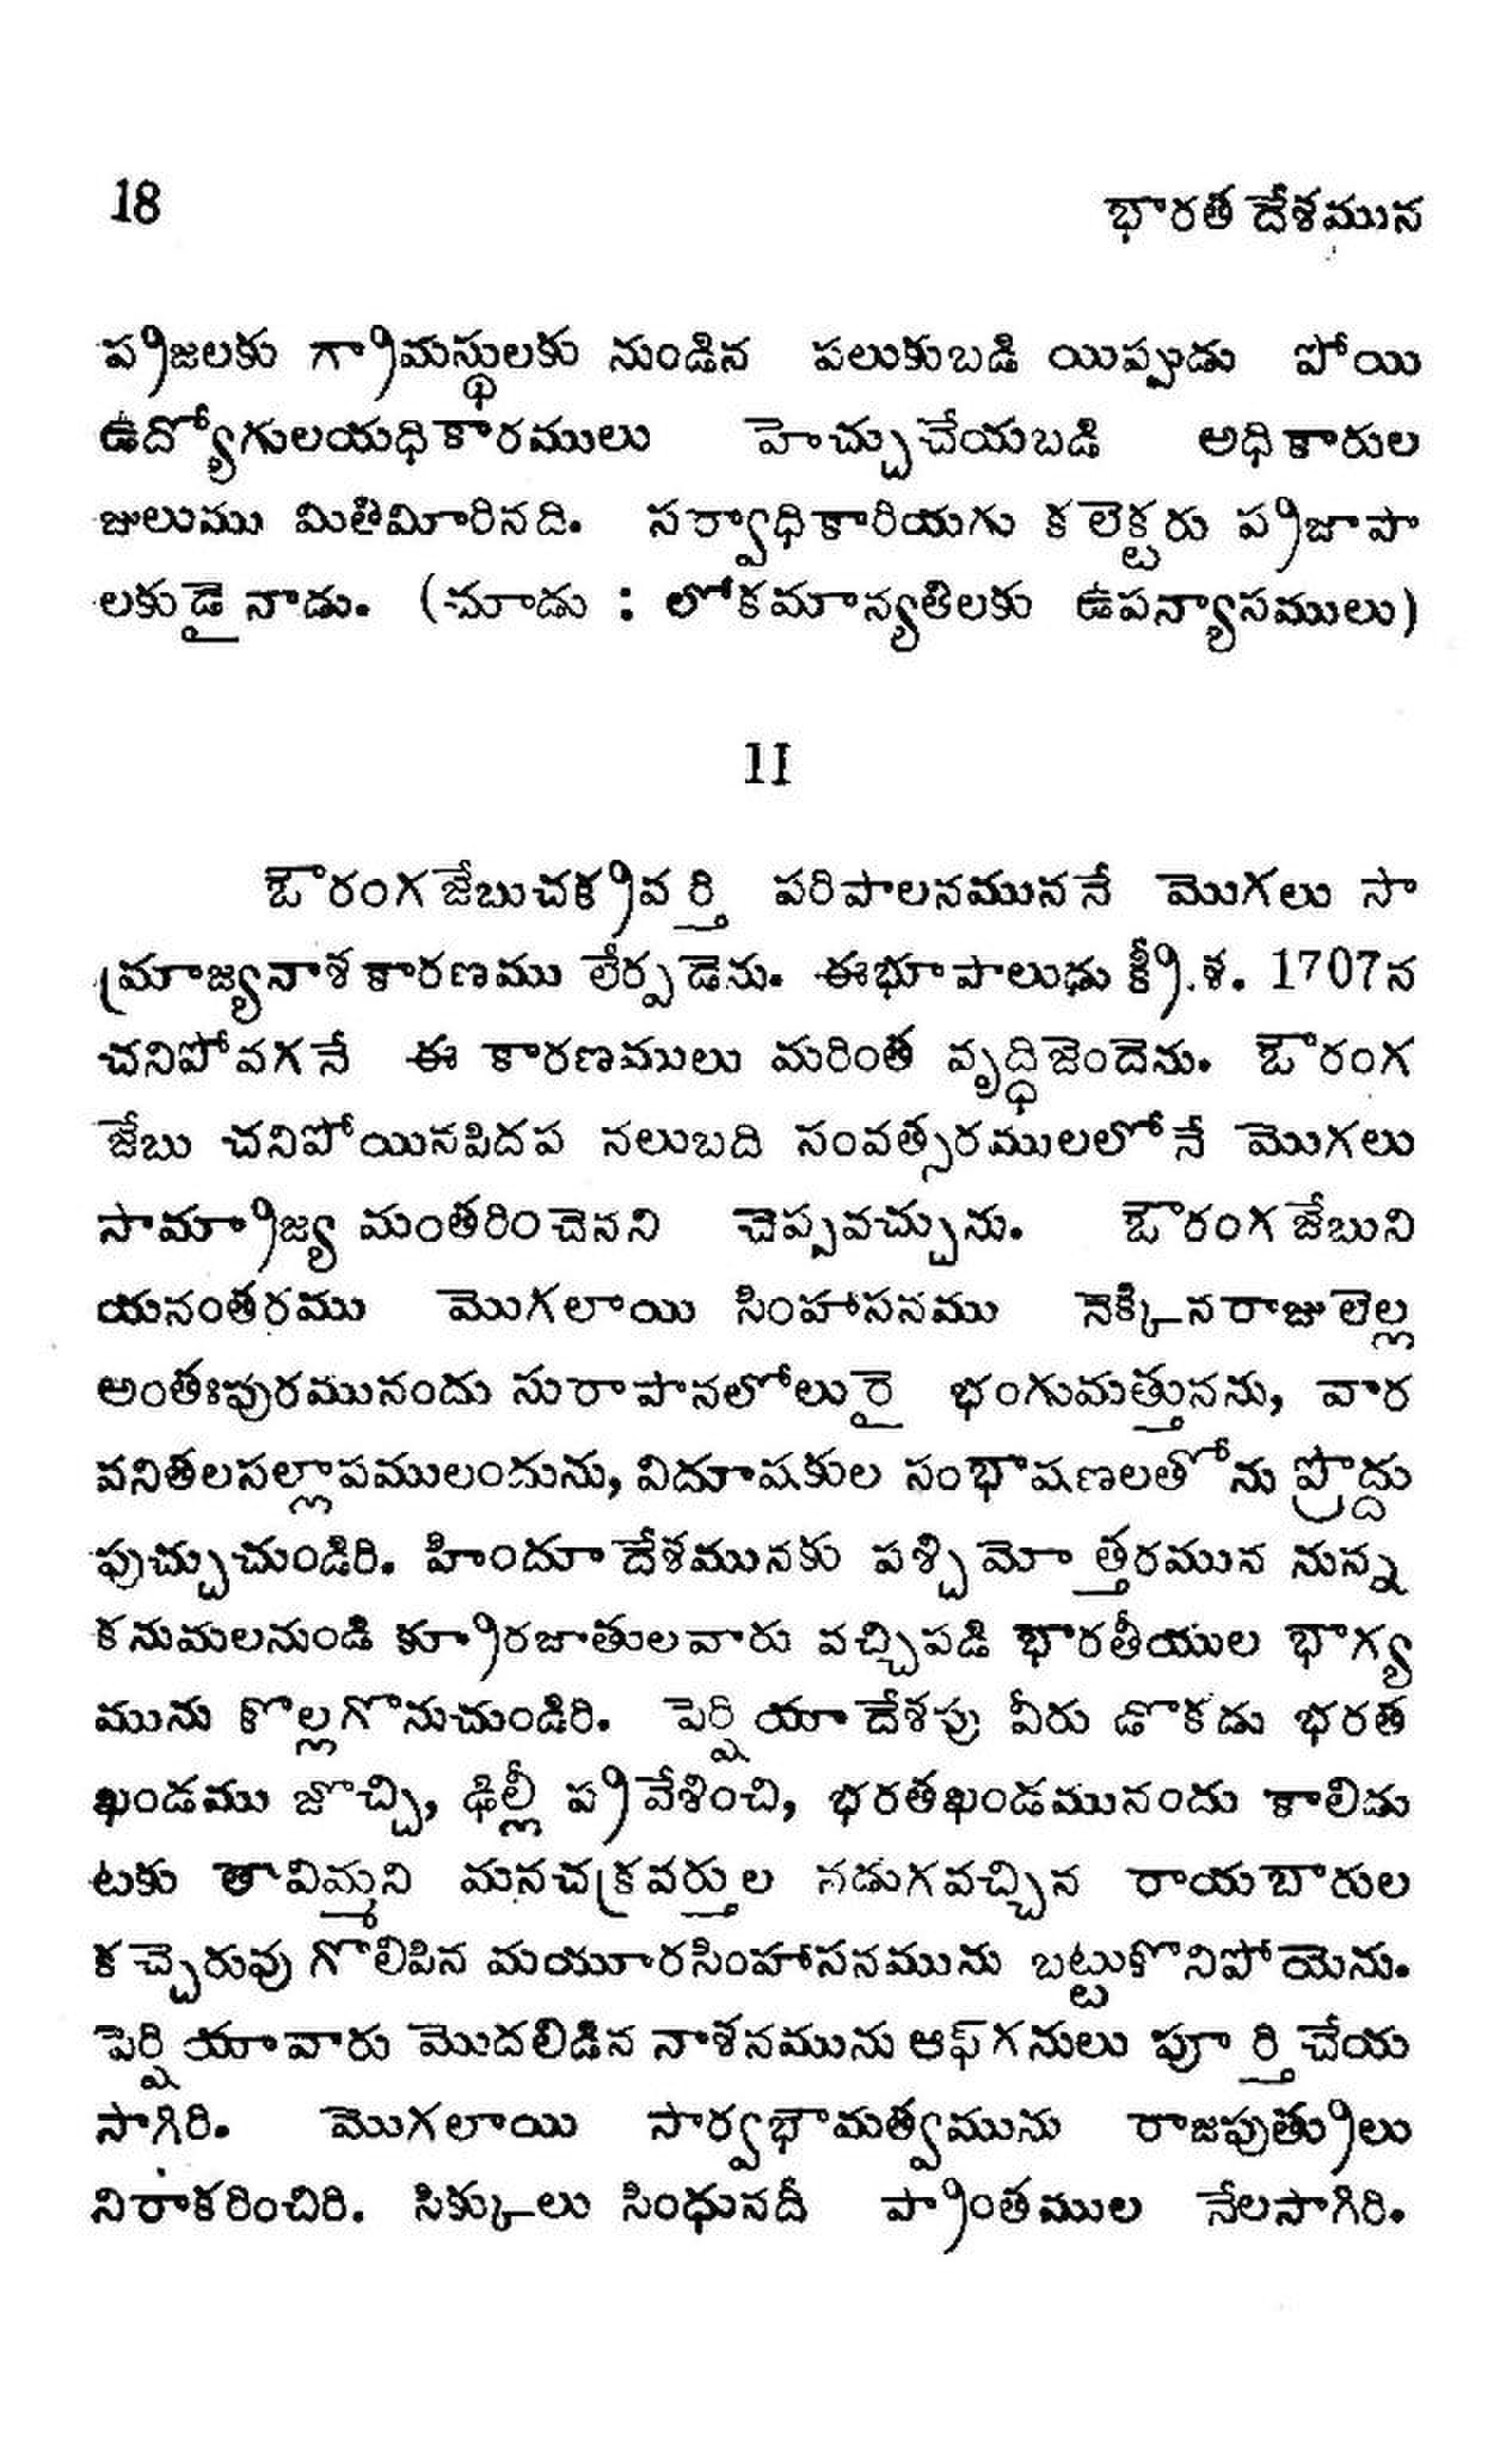ప్రజలకు గ్రామస్థులకు నుండిన పలుకుబడి యిప్పుడు పోయి ఉద్యోగులయధికారములు హెచ్చుచేయబడి అధికారుల జులుము మితిమీరినది. సర్వాధికారియగు కలెక్టరు ప్రజాపాలకుడైనాడు. (చూడు : లోకమాన్యతిలకు ఉపన్యాసములు)

II

ఔరంగజేబుచక్రవర్తి పరిపాలనముననే మొగలు సామ్రాజ్యనాశకారణము లేర్పడెను. ఈభూపాలుడు క్రీ.శ. 1707న చనిపోవగనే ఈ కారణములు మరింత వృద్ధిజెందెను. ఔరంగజేబు చనిపోయినపిదప నలుబది సంవత్సరములలోనే మొగలు సామ్రాజ్య మంతరించెనని చెప్పవచ్చును. ఔరంగజేబుని యనంతరము మొగలాయి సింహాసనము నెక్కిన రాజులెల్ల అంతఃపురమునందు సురాపానలోలురై భంగుమత్తునను, వార వనితలసల్లాపములందును, విదూషకుల సంభాషణలతోను ప్రొద్దుపుచ్చుచుండిరి. హిందూదేశమునకు పశ్చిమోత్తరమున నున్న కనుమలనుండి క్రూరజాతులవారు వచ్చిపడి భారతీయుల భాగ్యమును కొల్లగొనుచుండిరి. పెర్షియా దేశపు వీరు డొకడు భరతఖండము జొచ్చి, ఢిల్లీ ప్రవేశించి, భరతఖండమునందు కాలిడుటకు తావిమ్మని మనచక్రవర్తుల నడుగవచ్చిన రాయబారుల కచ్చెరువు గొలిపిన మయూరసింహాసనమును బట్టుకొనిపోయెను. పెర్షియావారు మొదలిడిన నాశనమును ఆఫ్‌గనులు పూర్తిచేయసాగిరి. మొగలాయి సార్వభౌమత్వమును రాజపుత్రులు నిరాకరించిరి. సిక్కులు సింధునదీ ప్రాంతముల నేలసాగిరి.